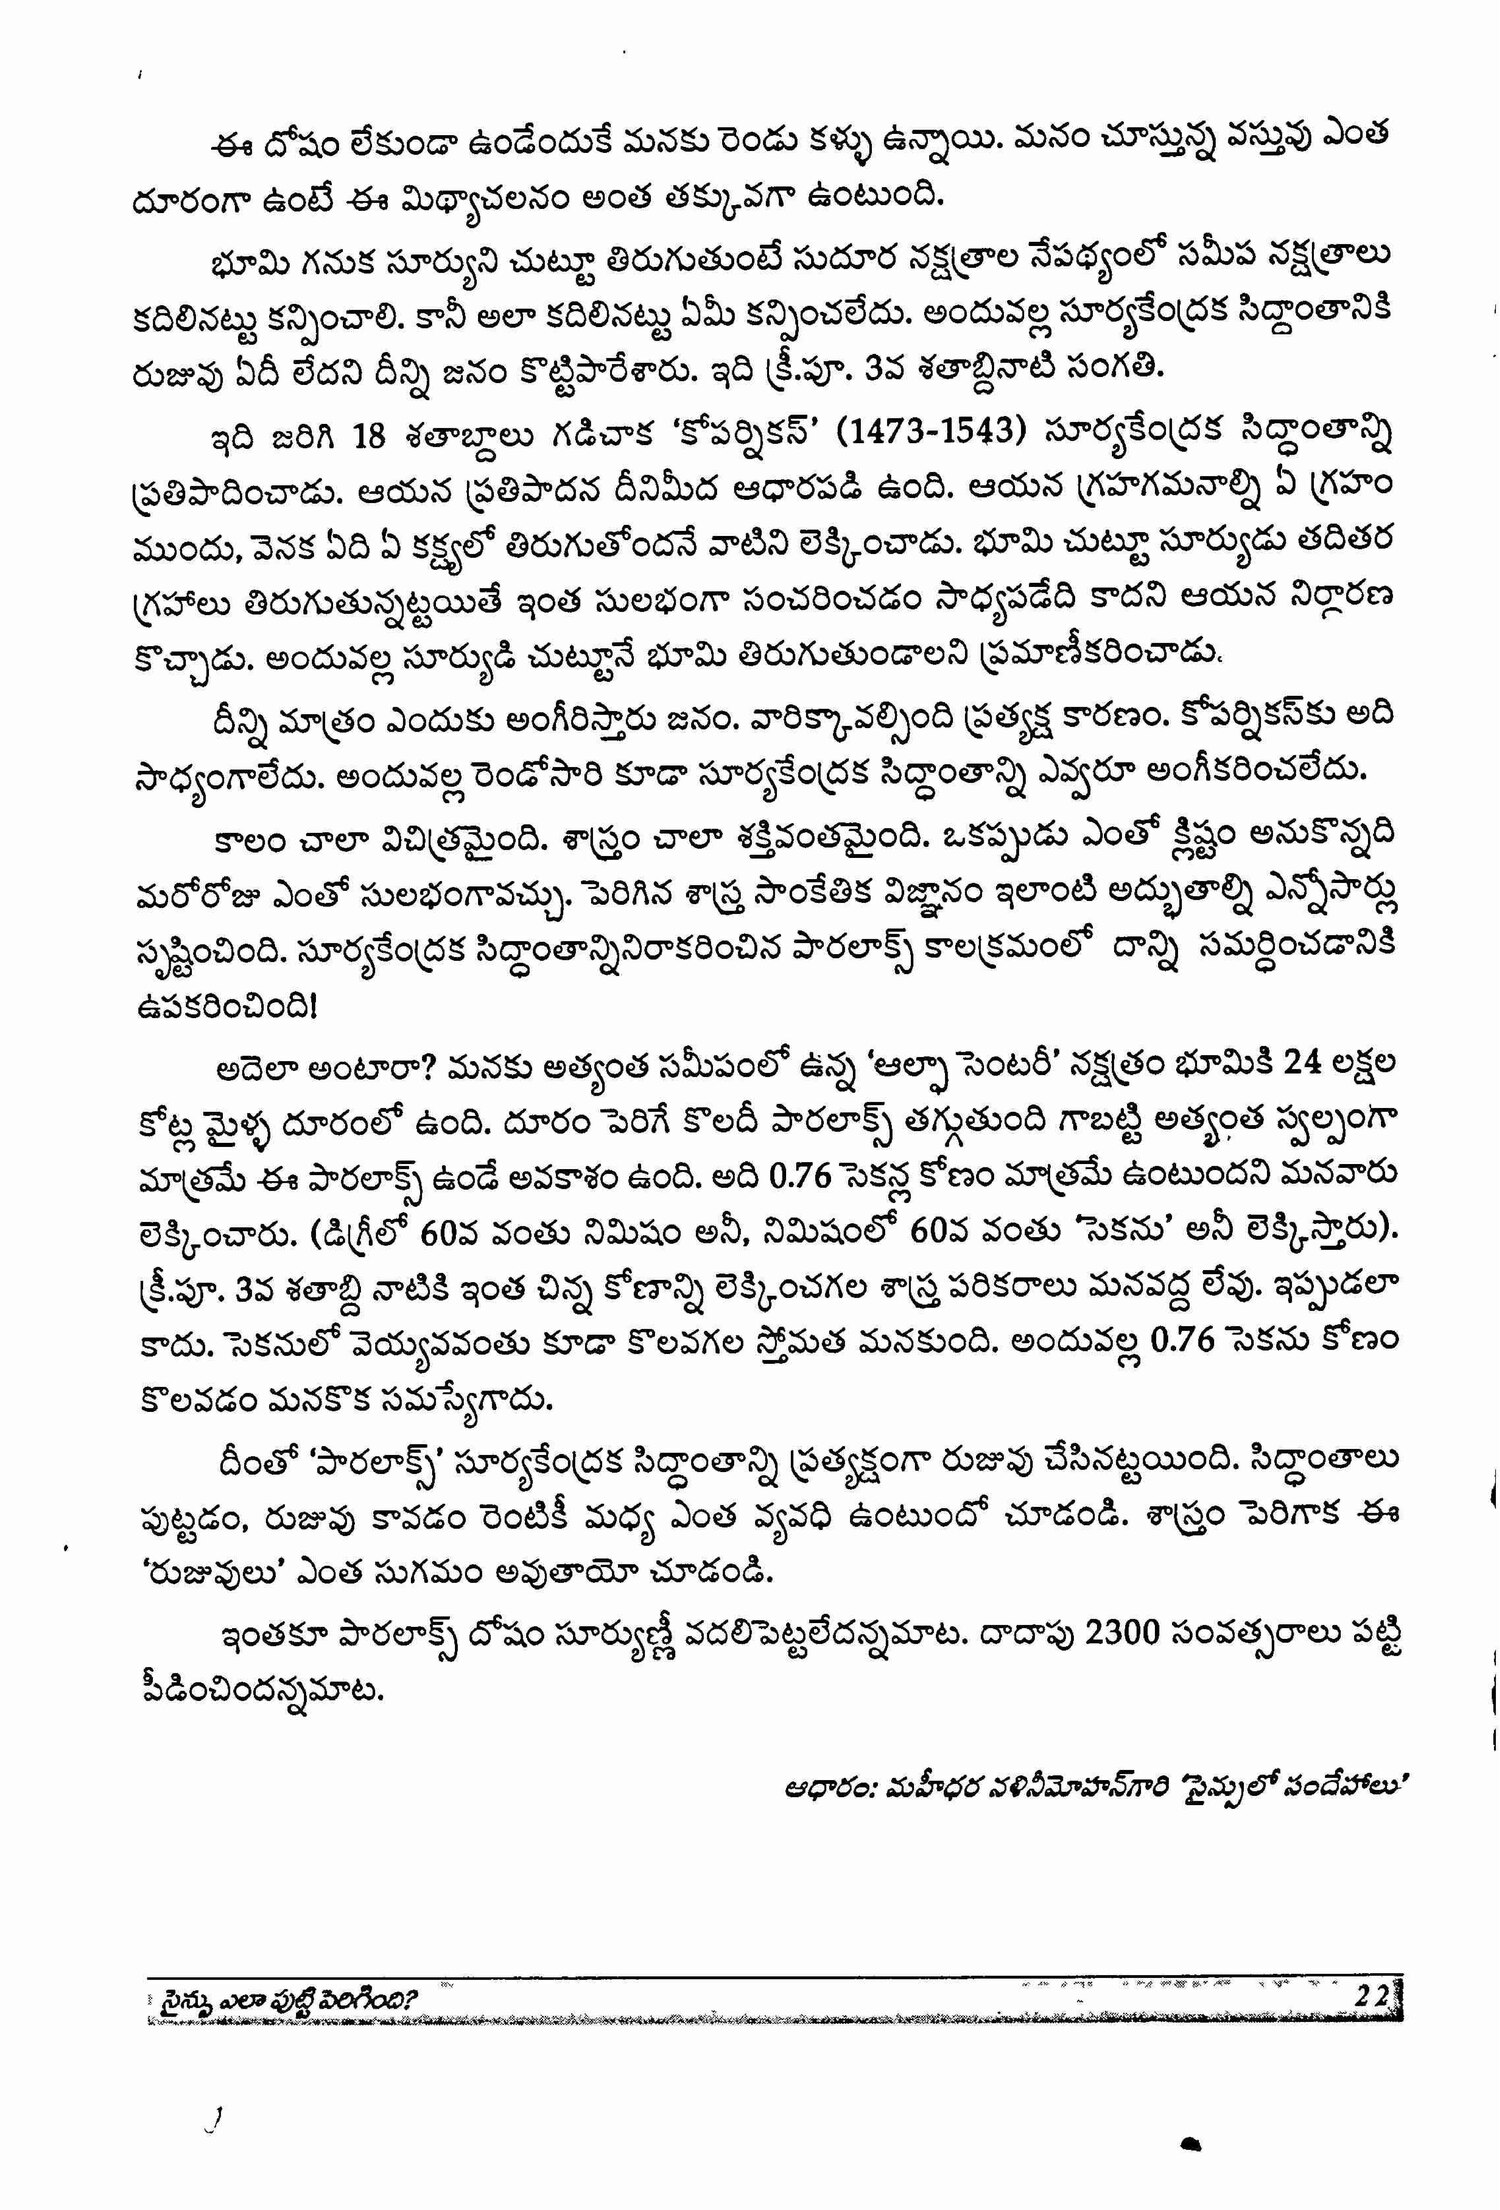ఈ దోషం లేకుండా ఉండేందుకే మనకు రెండు కళ్ళు ఉన్నాయి. మనం చూస్తున్న వస్తువు ఎంత దూరంగా ఉంటే ఈ మిథ్యాచలనం అంత తక్కువగా ఉంటుంది.

భూమి గనుక సూర్యుని చుట్టూ తిరుగుతుంటే సుదూర నక్షత్రాల నేపథ్యంలో సమీప నక్షత్రాలు కదిలినట్టు కన్పించాలి. కానీ అలా కదిలినట్టు ఏమీ కన్పించలేదు. అందువల్ల సూర్యకేంద్రక సిద్ధాంతానికి రుజువు ఏదీ లేదని దీన్ని జనం కొట్టిపారేశారు. ఇది క్రీ.పూ. 3వ శతాబ్దినాటి సంగతి.

ఇది జరిగి 18 శతాబ్దాలు గడిచాక 'కోపర్నికస్ ' (1473-1543) సూర్యకేంద్రక సిద్ధాంతాన్ని ప్రతిపాదించాడు. ఆయన ప్రతిపాదన దీనిమీద ఆధారపడి ఉంది. ఆయన గ్రహగమనాల్ని ఏ గ్రహం ముందు, వెనక ఏది ఏ కక్ష్యలో తిరుగుతోందనే వాటిని లెక్కించాడు. భూమి చుట్టూ సూర్యుడు తదితర గ్రహాలు తిరుగుతున్నట్టయితే ఇంత సులభంగా సంచరించడం సాధ్యపడేది కాదని ఆయన నిర్ధారణ కొచ్చాడు. అందువల్ల సూర్యుడి చుట్టూనే భూమి తిరుగుతుండాలని ప్రమాణీకరించాడు.

దీన్ని మాత్రం ఎందుకు అంగీరిస్తారు జనం. వారిక్కావల్సింది ప్రత్యక్ష కారణం. కోపర్నికస్‌కు అది సాధ్యంగాలేదు. అందువల్ల రెండోసారి కూడా సూర్యకేంద్రక సిద్ధాంతాన్ని ఎవ్వరూ అంగీకరించలేదు.

కాలం చాలా విచిత్రమైంది. శాస్త్రం చాలా శక్తివంతమైంది. ఒకప్పుడు ఎంతో క్లిష్టం అనుకొన్నది మరోరోజు ఎంతో సులభంగావచ్చు. పెరిగిన శాస్త్ర సాంకేతిక విజ్ఞానం ఇలాంటి అద్భుతాల్ని ఎన్నోసార్లు సృష్టించింది. సూర్యకేంద్రక సిద్ధాంతాన్నినిరాకరించిన పారలాక్స్ కాలక్రమంలో దాన్ని సమర్ధించడానికి ఉపకరించింది!

అదెలా అంటారా? మనకు అత్యంత సమీపంలో ఉన్న 'ఆల్ఫా సెంటరీ' నక్షత్రం భూమికి 24 లక్షల కోట్ల మైళ్ళ దూరంలో ఉంది. దూరం పెరిగే కొలదీ పారలాక్స్ తగ్గుతుంది గాబట్టి అత్యంత స్వల్పంగా మాత్రమే ఈ పారలాక్స్ ఉండే అవకాశం ఉంది. అది 0.76 సెకన్ల కోణం మాత్రమే ఉంటుందని మనవారు లెక్కించారు. (డిగ్రీలో 60వ వంతు నిమిషం అనీ, నిమిషంలో 60వ వంతు 'సెకను' అనీ లెక్కిస్తారు). క్రీ.పూ. 3వ శతాబ్ది నాటికి ఇంత చిన్న కోణాన్ని లెక్కించగల శాస్త్ర పరికరాలు మనవద్ద లేవు. ఇప్పుడలా కాదు. సెకనులో వెయ్యవవంతు కూడా కొలవగల స్తోమత మనకుంది. అందువల్ల 0.76 సెకను కోణం కొలవడం మనకొక సమస్యేగాదు.

దీంతో 'పారలాక్స్' సూర్యకేంద్రక సిద్ధాంతాన్ని ప్రత్యక్షంగా రుజువు చేసినట్టయింది. సిద్ధాంతాలు పుట్టడం, రుజువు కావడం రెంటికీ మధ్య ఎంత వ్యవధి ఉంటుందో చూడండి. శాస్త్రం పెరిగాక ఈ 'రుజువులు' ఎంత సుగమం అవుతాయో చూడండి.

ఇంతకూ పారలాక్స్ దోషం సూర్యుణ్ణి వదలిపెట్టలేదన్నమాట. దాదాపు 2300 సంవత్సరాలు పట్టి పీడించిందన్నమాట.